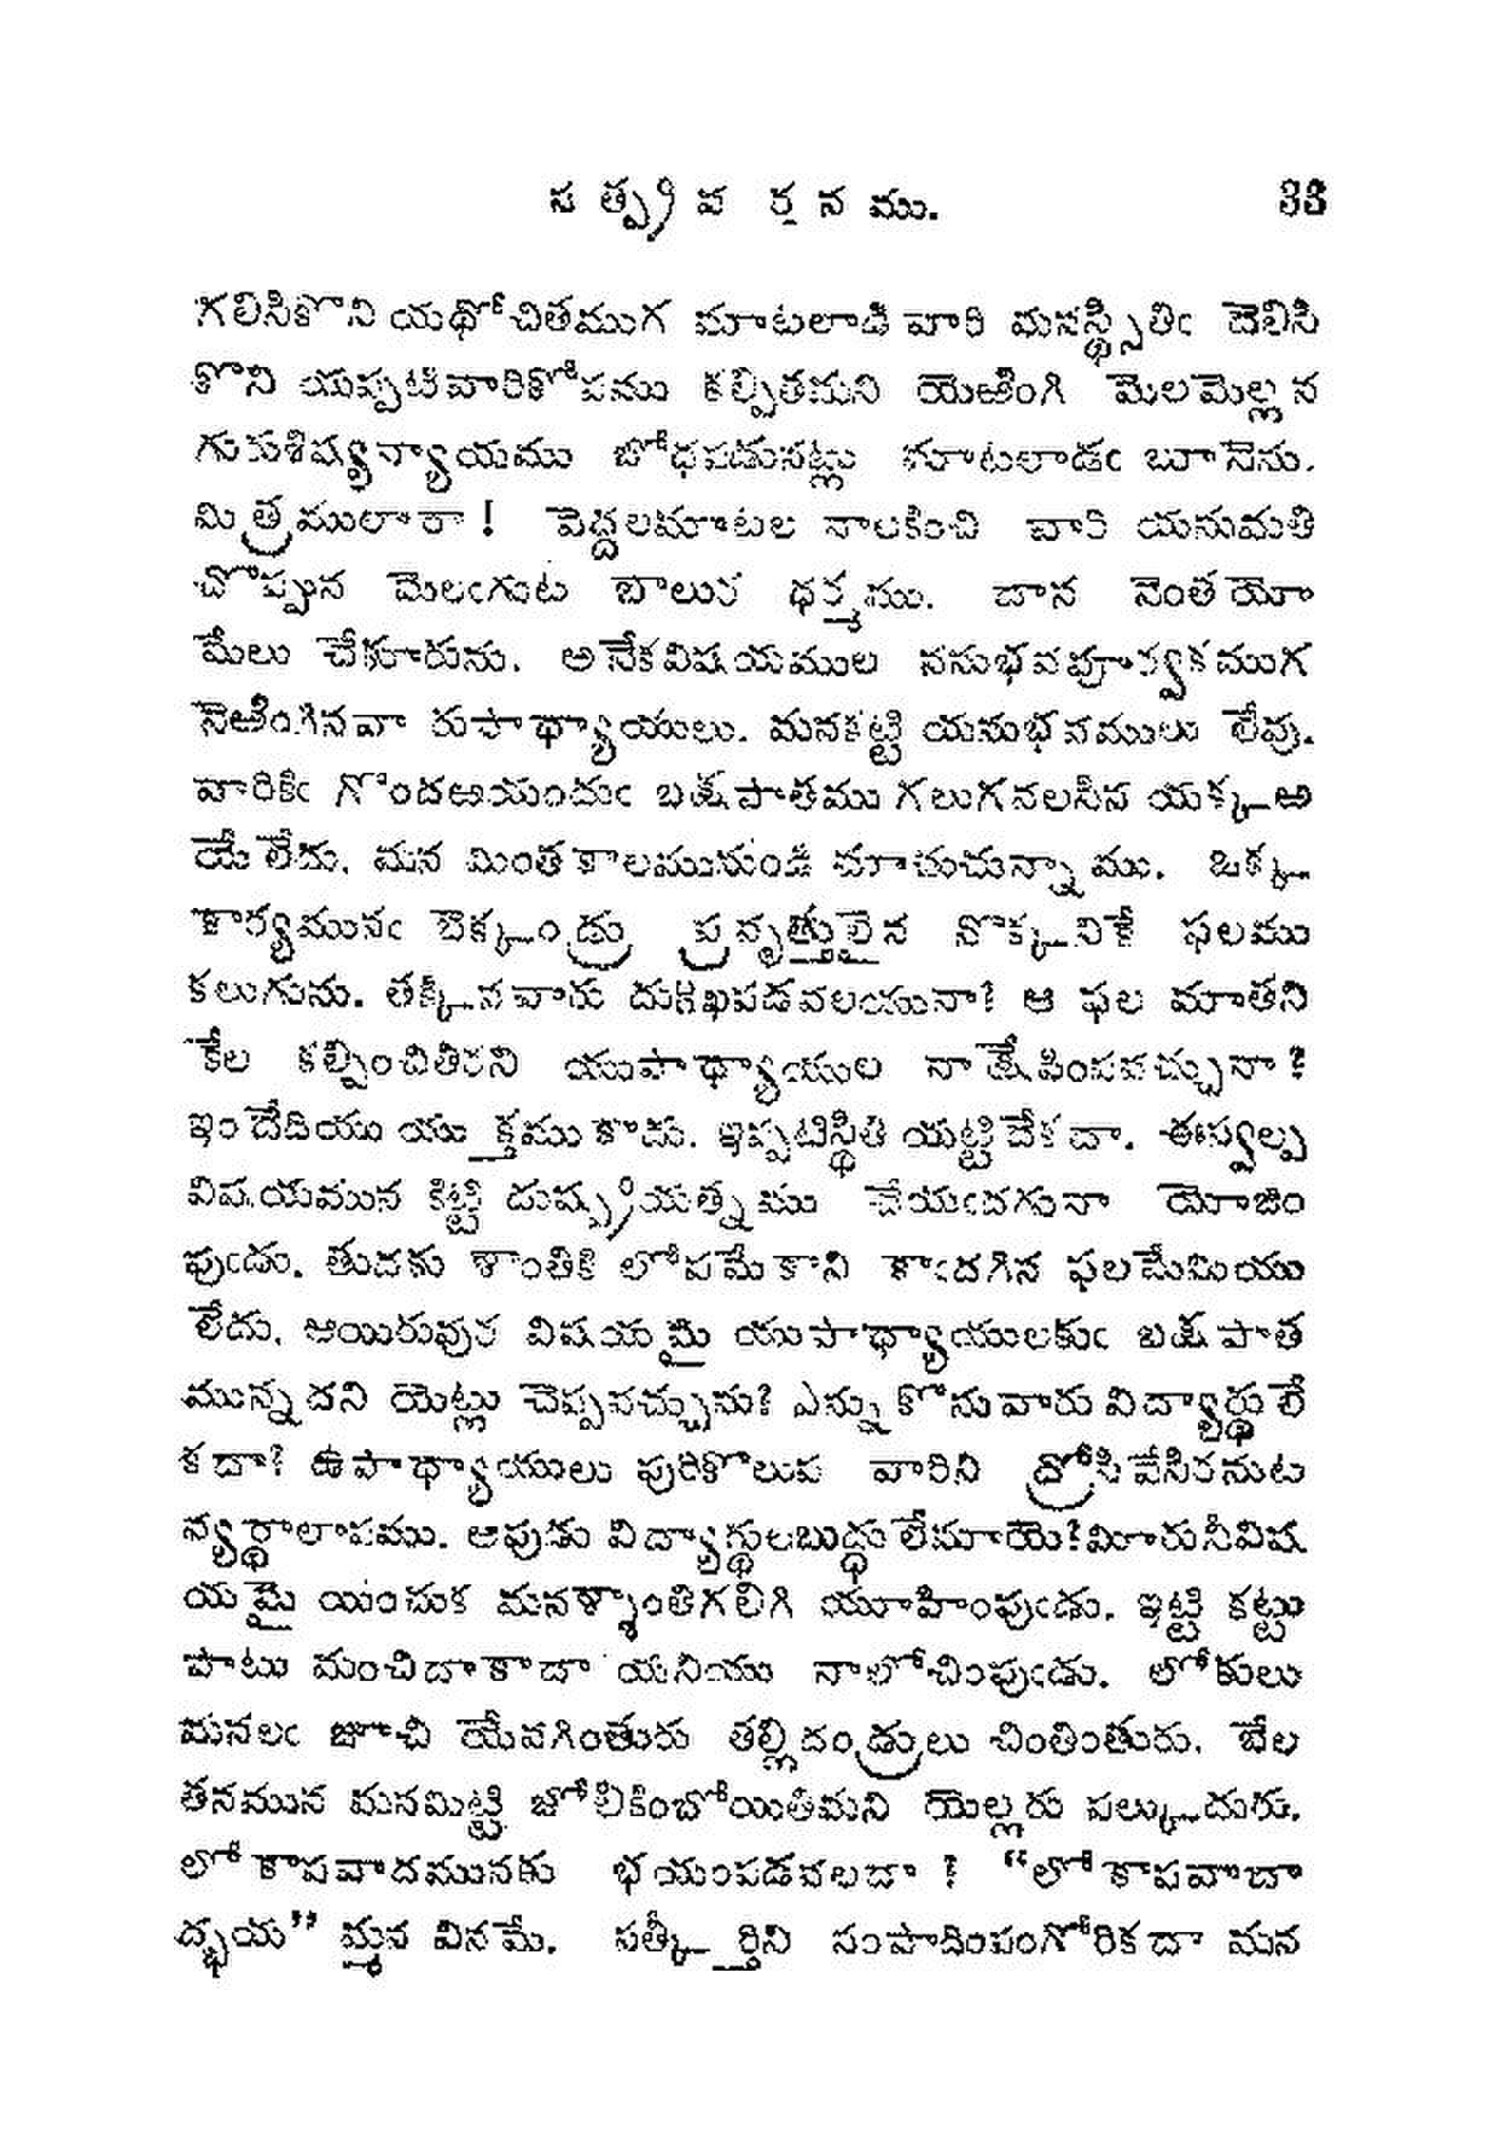గలిసికొని యథోచితముగ మాటలాడి వారి మనస్థితిఁ దెలిసి కొని దుప్పటివారికోపము కల్పితకుని యెఱింగి మెలమెల్లన గురుశిష్యన్యాయము బోధపడునట్లు మాటలాడఁ బూనెను, మిత్రములారా ! పెద్దలమాటల నాలకించి నాని యనుమతి చొప్పున మెలఁగుట బాలుర ధర్మము. దాన నెంతయో మేలు చేకూరును. అనేక విషయముల ననుభవపూర్వకముగ నెఱింగినవారుపాధ్యాయులు. మనకట్టి యనుభవములు లేవు. వారికిఁ గొందఱయందుఁ బక్ష పాతము గలుగ నలసిన యక్కఱయే లేదు, మన మింత కాలము నుండి మాచుచున్నాము. ఒక్క కార్యమునఁ బెక్కండ్రు. ప్రవృత్తులైన నొక్కనికే ఫలము కలుగును. తక్కినవారు దుఃఖపడవలయునా? ఆ ఫల మాతని "కేల కల్పించితిరని యుపాధ్యాయుల నాక్షేపించవచ్చునా? ఇం దేదియు యుక్తము కాదు. ఇప్పటిస్థితి యట్టి దేకచా. ఈ స్వల్ప విషయమున కిట్టి దుష్ప్రయత్నము చేయఁదగునా యోజింపుఁడు. తుదకు శాంతికి లోపమే కాని గాదగిన ఫలమేమియు లేదు, ఆయిరువుర విషయమై యుపాధ్యాయులకుఁ బక్షపాత మున్నదని యెట్లు చెప్పవచ్చును? ఎన్ను కొను వారు విద్యార్థులే కదా? ఉపాధ్యాయులు పురికొలుప వారిని దోసి వేసిననుట వ్యర్థాలాపము. ఆపుడు విద్యార్థుల బుద్దు లేమాయె! మీరునీవిషయమై యించుక మనశ్శాంతిగలిగి యూహింపుఁడు. ఇట్టి కట్టుపాటు మంచిదా కాదా యనియు నాలోచింపుఁడు. లోకులు మనలఁ జూచి యేవగింతుకు తల్లిదండులు చింతింతురు. బేల తనమున మనమిట్టి జోలికింబోయితిమని యెల్లరు పల్కుదురు. 
లోకాపవాదము నకు భయంపడవలదా ! "లోకాపవాదాద్భయ” మ్మన వినమే. సత్కీర్తిని సంపాదింపంగోరికదా మన